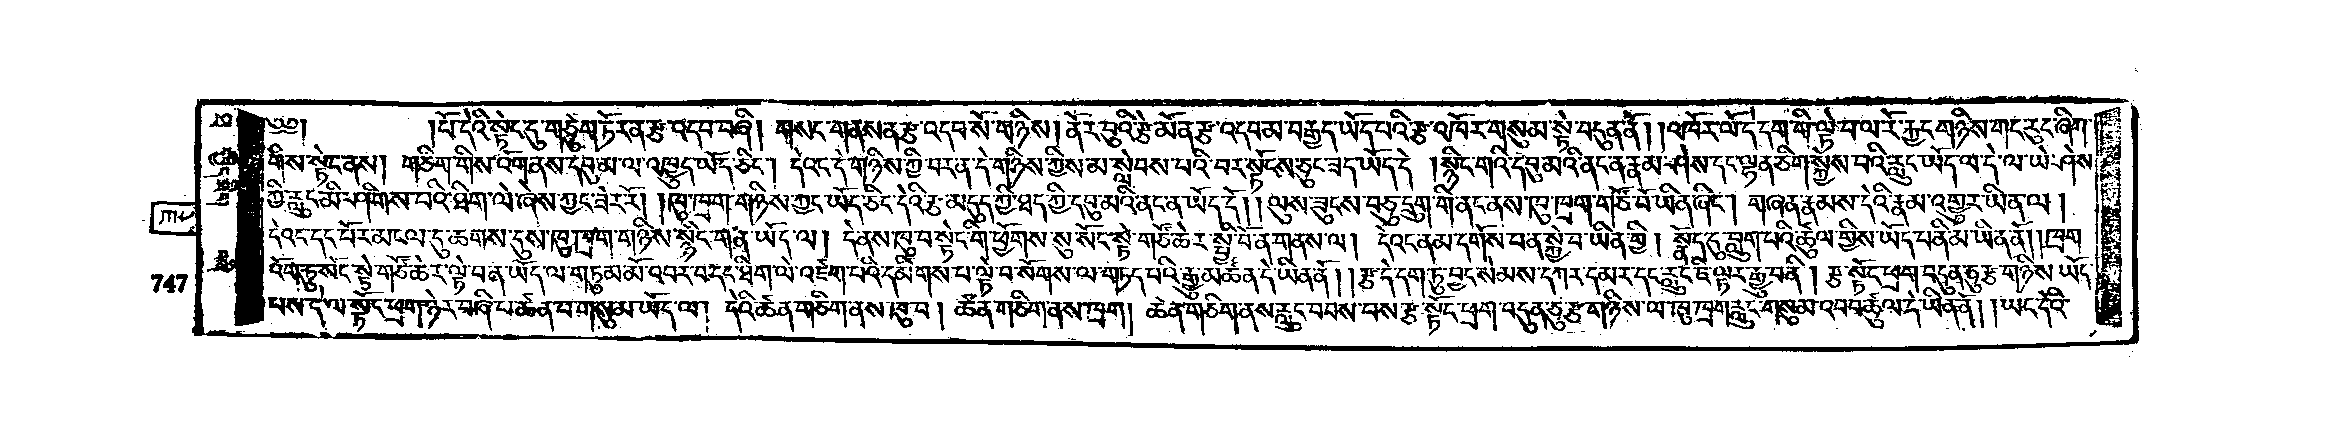༄༅། །པོ་དེའི་སྟེང་དུ་གཙུག་ཏོར་ན་རྩ་འདབ་བཞི། གསང་གནས་ན་རྩ་འདབ་སོ་གཉིས། ནོར་བུའི་རྩེ་མོ་ན་རྩ་འདབ་མ་བརྒྱད་ཡོད་པའི་རྩ་འཁོར་གསུམ་སྟེ་བདུན་ནོ། །འཁོར་ལོ་དེ་དག་གི་ལྟེ་བ་ལ་རོ་རྐྱང་གཉིས་གང་རུང་ཞིག་
གིས་སྟེང་ནས། གཅིག་གིས་འོག་ནས་དབུ་མ་ལ་འཁྱུད་ཡོད་ཅིང་། དེའང་དེ་གཉིས་ཀྱི་བར་ན་དེ་གཉིས་ཀྱིས་མ་སླེབས་པའི་བར་སྟོངས་ཅུང་ཟད་ཡོད་དེ། སྙིང་གའི་དབུ་མའི་ནང་ན་རྣམ་ཤེས་དང་ལྷན་ཅིག་སྐྱེས་པའི་རླུང་ཡོད་ལ་དེ་ལ་ཡེ་ཤེས་
ཀྱི་རླུང་མི་ཤིགས་པའི་ཐིག་ལེ་ཞེས་ཀྱང་ཟེར་རོ། །ཁུ་ཁྲག་གཉིས་ཀྱང་ཡོད་ཅིང་དེའི་རྩ་མདུད་ཀྱི་ཐད་ཀྱི་དབུ་མའི་ནང་ན་ཡོད་དོ། །ལུས་ཟུངས་བཅུ་དྲུག་གི་ནང་ནས་ཁུ་ཁྲག་གཙོ་བོ་ཡིན་ཞིང་། གཞན་རྣམས་དེའི་རྣམ་འགྱུར་ཡིན་ལ།
དེའང་དང་པོར་མངལ་དུ་ཆགས་དུས་ཁུ་ཁྲག་གཉིས་སྙིང་ག་ན་ཡོད་ལ། དེ་ནས་ཁུ་བ་སྟེང་གི་ཕྱོགས་སུ་སོང་སྟེ་གཙོ་ཆེར་སྤྱི་བོ་ན་གནས་ལ། དེའང་ནམ་དགོས་པ་ན་སྐྱེ་བ་ཡིན་གྱི། སྣོད་དུ་བླུག་པའི་ཚུལ་གྱིས་ཡོད་པ་ནི་མ་ཡིན་ནོ། །ཁྲག་
འོག་ཏུ་སོང་སྟེ་གཙོ་ཆེར་ལྟེ་བ་ན་ཡོད་ལ་གཏུམ་མོ་འབར་བ་དང་ཐིག་ལེ་འཛག་པའི་དམིགས་པ་ལྟེ་བ་སོགས་ལ་གཏད་པའི་རྒྱུ་མཚན་དེ་ཡིན་ནོ། །རྩ་དེ་དག་ཏུ་བྱང་སེམས་དཀར་དམར་དང་རླུང་ཇི་ལྟར་རྒྱུ་བ་ནི། རྩ་སྟོང་ཕྲག་བདུན་ཅུ་རྩ་གཉིས་ཡོད་
པས་དེ་ལ་སྟོང་ཕྲག་ཉེར་བཞི་པ་ཚན་པ་གསུམ་ཡོད་ལ། དེའི་ཚན་གཅིག་ནས་ཁུ་བ། ཚན་གཅིག་ནས་ཁྲག། ཆེན་གཅིག་ནས་རླུང་བབས་པས་རྩ་སྟོང་ཕྲག་བདུན་ཅུ་རྩ་གཉིས་ལ་ཁུ་ཁྲག་རླུང་གསུམ་འབབ་ཚུལ་དེ་ཡིན་ནོ། །ཡང་དེའི་